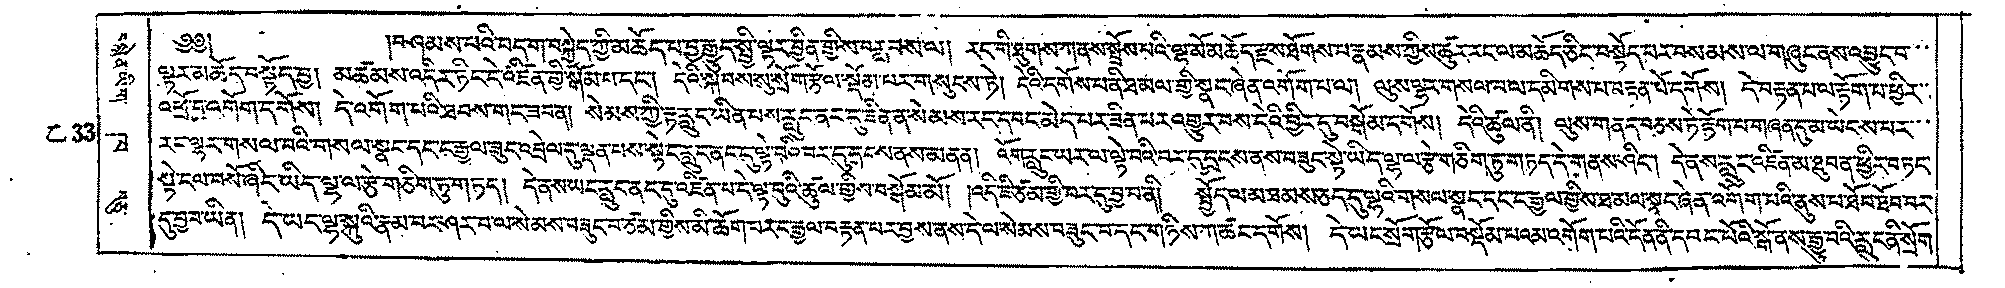༄༅། །བཤམས་པའི་བདག་བསྐྱེད་ཀྱི་མཆོད་པ་བྱ་རྒྱུད་སྤྱི་ལྟར་བྱིན་གྱིས་བརླབས་ལ། རང་གི་ཐུགས་ཀ་ནས་སྤྲོས་པའི་ལྷ་མོ་མཆོད་རྫས་ཐོགས་པ་རྣམས་ཀྱིས་ཚུར་རང་ལ་མཆོད་ཅིང་བསྟོད་པར་བསམས་ལ་གཞུང་ནས་འབྱུང་བ་་་
ལྟར་མཆོད་བསྟོད་བྱ། མཚམས་འདིར་ཏིང་ངེ་འཛིན་གྱི་སྒོམ་པ་དང་། དེའི་སྐབས་སུ་སྲོག་རྩོལ་སྡོམ་པར་གསུངས་ཏེ། དེའི་དགོས་པ་ནི་ཐ་མལ་གྱི་སྣང་ཞེན་འགོག་པ་ལ། ལུས་ལྷར་གསལ་བ་ལ་དམིགས་པ་བརྟན་པོ་དགོས། དེ་བརྟན་པ་ལ་རྟོག་པ་ཕྱིར་་་
འཕྲོ་བ་འགོག་དགོས། དེ་འགོག་པའི་ཐབས་གང་ཟབ་ན། སེམས་ཀྱི་རྟ་རླུང་ཡིན་པས་རླུང་ནང་དུ་ཟིན་ན་སེམས་རང་དབང་མེད་པར་ཟིན་པར་འགྱུར་བས་དེའི་ཕྱིར་དུ་བསྒོམ་དགོས། དེའི་ཚུལ་ནི། ལུས་གནད་བཅས་ཏེ་རྟོག་པ་གཞན་དུ་མ་ཡེངས་པར་་་
རང་ལྷར་གསལ་བའི་གསལ་སྣང་དང་ང་རྒྱལ་ཟུང་འབྲེལ་དུ་ལྡན་པས་སྟེང་རླུང་ནང་དུ་ལྟེ་བའི་བར་དུ་དྲངས་ནས་མནན། འོག་རླུང་ཡར་ལ་ལྟེ་བའི་བར་དུ་དྲངས་ནས་བཟུང་སྟེ་ཡིད་ལྷ་ལ་རྩེ་གཅིག་ཏུ་གཏད་དེ་གནས་ཤིང་། དེ་ནས་རླུང་འཛིན་མ་ཐུབ་ན་ཕྱིར་བཏང་
སྟེ་ངལ་བསོ་ཞིང་ཡིད་ལྷ་ལ་རྩེ་གཅིག་ཏུ་གཏད། དེ་ནས་ཡང་རླུང་ནང་དུ་འཛིན་པ་དེ་ལྟ་བུའི་ཚུལ་གྱིས་བསྒོམ་མོ། །འདི་ཇི་ཙམ་གྱི་བར་དུ་བྱ་བ་ནི། སྤྱོད་ལམ་ཐམས་ཅད་དུ་ལྷའི་གསལ་སྣང་དང་ང་རྒྱལ་གྱིས་ཐ་མལ་སྣང་ཞེན་འགོག་པའི་ནུས་པ་ཐོབ་ཐོབ་བར་
དུ་བྱ་བ་ཡིན། དེ་ཡང་ལྷ་སྐུའི་རྣམ་པར་ཤར་བ་ལ་སེམས་བཟུང་བ་ཙམ་གྱིས་མི་ཆོག་པར་ང་རྒྱལ་བརྟན་པར་བྱས་ནས་དེ་ལ་སེམས་བཟུང་བ་དང་གཉིས་ཀ་ཚང་དགོས། དེ་ཡང་སྲོག་རྩོལ་བསྡོམ་པའམ་འགོག་པའི་དོན་ནི་དབང་པོའི་སྒོ་ནས་རྒྱུ་བའི་རླུང་ནི་སྲོག་